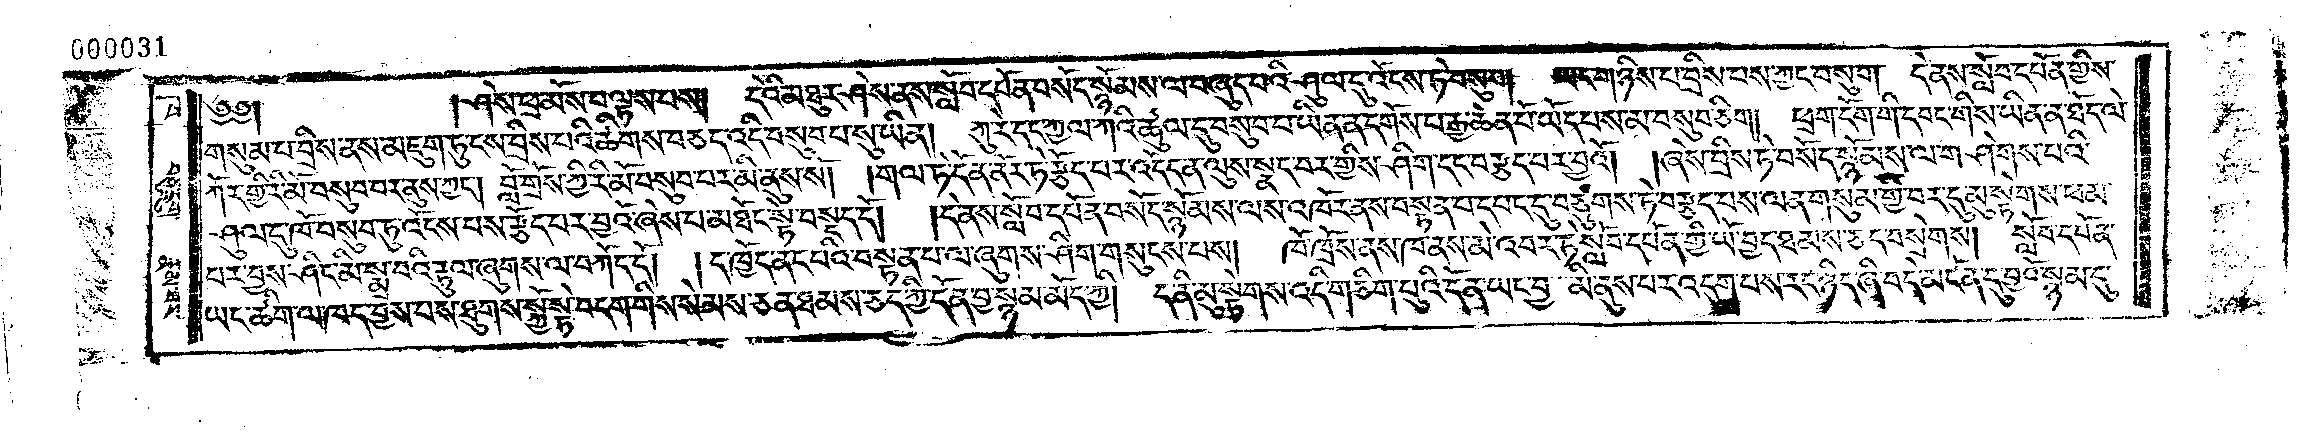༄༅། །ཤེས་ཕྲ་མོས་བལྟས་པས། དེའི་མཐུར་ཤེས་ནས་སློབ་དཔོན་བསོད་སྙོམས་ལ་བཞུད་པའི་ཤུལ་དུ་འོངས་ཏེ་བསུབ། ཡང་གཉིས་པ་བྲིས་པས་ཀྱང་བསུབ། དེ་ནས་སློབ་དཔོན་གྱིས་
གསུམ་པ་བྲིས་ནས་མཇུག་ཏུ་ངས་བྲིས་པའི་ཚིགས་བཅད་འདི་བསུབ་པ་སུ་ཡིན། ཀུ་རེ་དང་ཀྱལ་ཀའི་ཚུལ་དུ་བསུབ་པ་ཡིན་ན་དགོས་པ་རྒྱ་ཆེན་པོ་ཡོད་པས་མ་བསུབ་ཅིག། ཕྲག་དོག་གི་དབང་གིས་ཡིན་ན་ཐོད་ལེ་
ཀོར་གྱི་རི་མོ་བསུབ་པར་ནུས་ཀྱང་། བློ་གྲོས་ཀྱི་རི་མོ་བསུབ་པར་མི་ནུས་སོ། །གལ་ཏེ་དོན་ནོར་ཏེ་རྩོད་པར་འདོད་ན་ལུས་སྣད་པར་གྱིས་ཤིག་དང་བརྩད་པར་བྱའོ། །ཞེས་བྲིས་ཏེ་བསོད་སྙོམས་ལ་གཤེགས་པའི་
ཤུལ་དུ་ཁོ་བསུབ་ཏུ་འོངས་པས་རྩོད་པར་བྱའོ་ཞེས་པ་མཐོང་སྟེ་བསྡད་དོ། །དེ་ནས་སློབ་དཔོན་བསོད་སྙོམས་ལས་འཁོར་ནས་བསྟན་པ་དཔང་དུ་བཙུགས་ཏེ་བརྩད་པས་ལན་གསུམ་གྱི་བར་དུ་མུ་སྟེགས་ཕམ་
པར་བྱས་ཤིང་མི་སྨྲ་བའི་རྟུལ་ཞུགས་ལ་བཀོད་དོ། །ད་ཁྱོད་ནང་པའི་བསྟན་པ་ལ་ཞུགས་ཤིག་གསུངས་པས། ཁོ་ཁྲོས་ནས་ཁ་ནས་མེ་འབར་ཏེ་སློབ་དཔོན་གྱི་ཡོ་བྱད་ཐམས་ཅད་བསྲེགས། སློབ་དཔོན་
ཡང་ཚིག་ལ་ཁད་བྱས་པས་ཐུགས་སྐྱོ་སྟེ་བདག་གིས་སེམས་ཅན་ཐམས་ཅད་ཀྱི་དོན་བྱ་སྙམ་མོད་ཀྱི། ད་ནི་མུ་སྟེགས་འདི་གཅིག་པུའི་དོན་ཡང་བྱ་མི་ནུས་པར་འདུག་བས་རང་ཉིད་ཞི་བདེ་མངོན་དུ་བྱའོ་སྙམ་དུ་